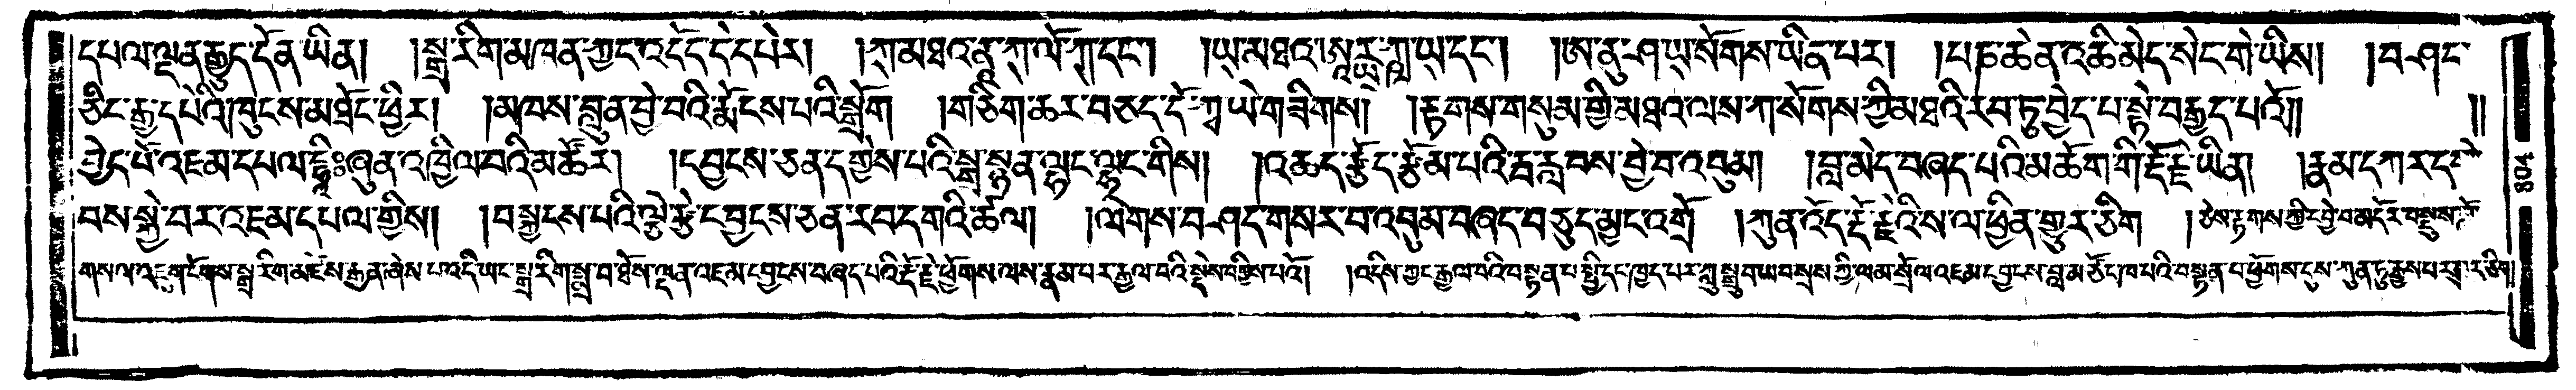དཔལ་ལྡན་རྒྱུད་དོན་ཡིན། །སྒྲ་རིག་མཁན་ཀྱང་འདོད་དེ་དཔེར། །ཀུ་མཐའ་ནཱ་ཀ་ལོ་ཀ་དང་། །ཡ་མཐའ་ཨཱ་རྱ་ཀྵ་ཡ་དང་། །ཨ་ནུ་ཤ་ཡ་སོགས་ཡིན་པར། །པཎ་ཆེན་འཆི་མེད་སེང་གེ་ཡིས། །བཤང་
ཅིང་རྒྱ་དཔེའི་ཁུངས་མཐོང་ཕྱིར། །མཁས་བླུན་བྱེ་བའི་རྨོངས་པའི་སྒྲོག། །གཅིག་ཆར་བཅད་དོ་ཀྭ་ཡེ་གཟིགས། །རྟགས་གསུམ་གྱི་མཐའ་ལས་ཀ་སོགས་ཀྱི་མཐའི་རབ་ཏུ་བྱེད་པ་སྟེ་བརྒྱད་པའོ།། །།
བྱེད་པོ་འཇམ་དཔལ་དྷཱིཿ ཞུན་འཁྱིལ་བའི་མཚོར། །དབྱངས་ཅན་དགྱེས་པའི་སྒྲ་སྟན་ལྷང་ལྷང་གིས། །འཆད་རྩོད་རྩོམ་པའི་རྦ་རླབས་བྱེད་པ་འབུམ། །བླ་མེད་བཞད་པའི་མཆོག་གི་རྡོ་རྗེ་ཡིན། །རྣམ་དཀར་དཔེ་
བས་སྐྱེ་བར་འཇམ་དཔལ་གྱིས། །བསྐྱངས་པའི་ལྕེ་རྩེ་དབྱངས་ཅན་རབ་དགའི་ཚལ། །ལེགས་བཤད་གསར་བ་འབུམ་བཞད་བཅུད་མྱང་འགྲོ། །ཀུན་འོད་རྡོ་རྗེའི་ས་ལ་ཕྱིན་ཅིག། །ཅེས་རྟགས་ཀྱི་དབྱེ་ལ་འདོར་བསྡུས་ཏེ་
གསལ་འཇུག་??་སྒྲ་རིགས་མཛེས་རྐྱན་ཞེས་པ་འདི་ཡང་སྲ་རི་སྨྲ་བ་ཐོས་ལྡན་འཇམ་དབྱངས་བཞད་པའི་རྡོ་རྗེ་ཕྱོགས་ལས་རྣམ་པར་རྒྱལ་བའི་སྡེས་བགྱིས?་བའོ། །འདིས་ཀྱང་རྒྱལ་བའི་བསྟན་པ་སྥྱི་དང་ཁྱད་པར་ལླུ་སྒྲུབས་སྲས་ཀྱི་འགྲོལ་འཇམ་དབངས་བླ་མ་ཅོད་ཁ་བའི་བསྟན་བ་ཕྱོགས་དུས་ཀུན་ཏུ་རྒྱས་པར་གྱུར?་ཅིས།།